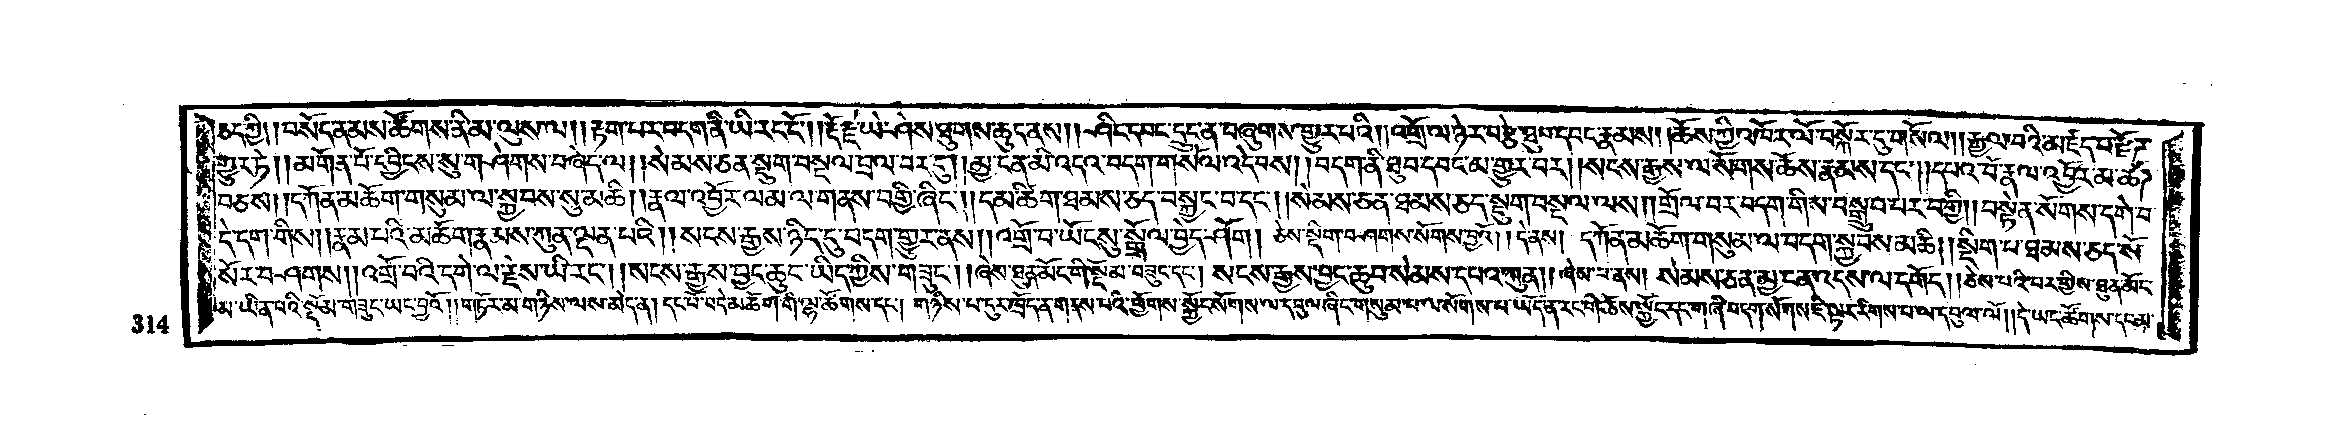ཅད་ཀྱི། །བསོད་རྣམས་ཚོགས་ནི་མ་ལུས་ལ། །རྟག་པར་བདག་ནི་ཡི་རང་ངེ། །རྡོ་རྗེ་ཡེ་ཤེས་ཐུགས་ཆུད་ནས། །ཤིང་དབང་དྲུང་ན་བཞུགས་གྱུར་པའི། །འགྲོ་ལ་ཉེར་བརྩེ་ཐུབ་དབང་རྣམས། །ཆོས་ཀྱི་འཁོར་ལོ་བསྐོར་དུ་གསོལ། །རྒྱལ་བའི་མཛད་པ་རྫོགས་
གྱུར་ཏེ། །མགོན་པོ་དབྱིངས་སུ་གཤེགས་བཞེད་ལ། །སེམས་ཅན་སྡུག་བསྔལ་བྲལ་བར་དུ། །མྱ་ངན་མི་འདའ་བདག་གསོལ་འདེབས། །བདག་ནི་ཐུབ་དབང་མ་གྱུར་བར། །སངས་རྒྱས་ལ་སོགས་ཆོས་རྣམས་དང་། །དཔའ་བོ་རྣལ་འབྱོར་མ་ཚོགས་
བཅས། །དཀོན་མཆོག་གསུམ་ལ་སྐྱབས་སུ་མཆི། །རྣལ་འབྱོར་ལམ་ལ་གནས་བགྱི་ཞིང་། །དམ་ཚིག་ཐམས་ཅད་བསྐྱང་བ་དང་། །སེམས་ཅན་ཐམས་ཅད་སྡུག་བསྔལ་ལས། །གྲོལ་བར་བདག་གིས་བསྒྲུབ་པར་བགྱི། །བསྟེན་སོགས་དགེ་བ་
དེ་དག་གིས། །རྣམ་པའི་མཆོག་རྣམས་ཀུན་ལྡན་པའི། །སངས་རྒྱས་ཉིད་དུ་བདག་གྱུར་ནས། །འགྲོ་བ་ཡོངས་སུ་སྒྲོལ་བྱེད་ཤོག ། ཅེས་སྡིག་བཤགས་སོགས་བྱའོ། །དེ་ནས། དཀོན་མཆོག་གསུམ་ལ་བདག་སྐྱབས་མཆི། །སྡིག་པ་ཐམས་ཅད་སོ་
སོར་བཤགས། །འགྲོ་བའི་དགེ་ལ་རྗེས་ཡི་རང་། །སངས་རྒྱས་བྱང་ཆུབ་ཡིད་ཀྱིས་གཟུང་། ། ཞེས་ཐུན་མོང་གི་སྡོམ་བཟུང་དང། སངས་རྒྱས་བྱང་ཆུབ་སེམས་དཔའ་ཀུན། ། ཞེས་པ་ནས། སེམས་ཅན་མྱ་ངན་འདས་ལ་དགོད། །ཅེས་པའི་བར་གྱིས་ཐུན་མོང་
མ་ཡིན་པའི་སྡོམ་གཟུང་ཡང་བྱའོ། །གཏོར་མ་གཉིས་ལས་མེད་ན། དང་པོ་བདེ་མཆོག་གི་ལྷ་ཚོགས་དང་། གཉིས་པ་དུར་ཁྲོད་ན་གནས་པའི་ཕྱོགས་སྐྱོང་སོགས་ལ་དབུལ་ཞིང་གསུམ་པ་ལ་སོགས་པ་ཡོད་ན་རང་གི་ཆོས་སྐྱོང་དང་གཞི་བདག་སོགས་ཇི་ལྟར་རིགས་པ་ལ་དབུལ་ལོ། །དེ་ཡང་ཚོགས་དང་མ་